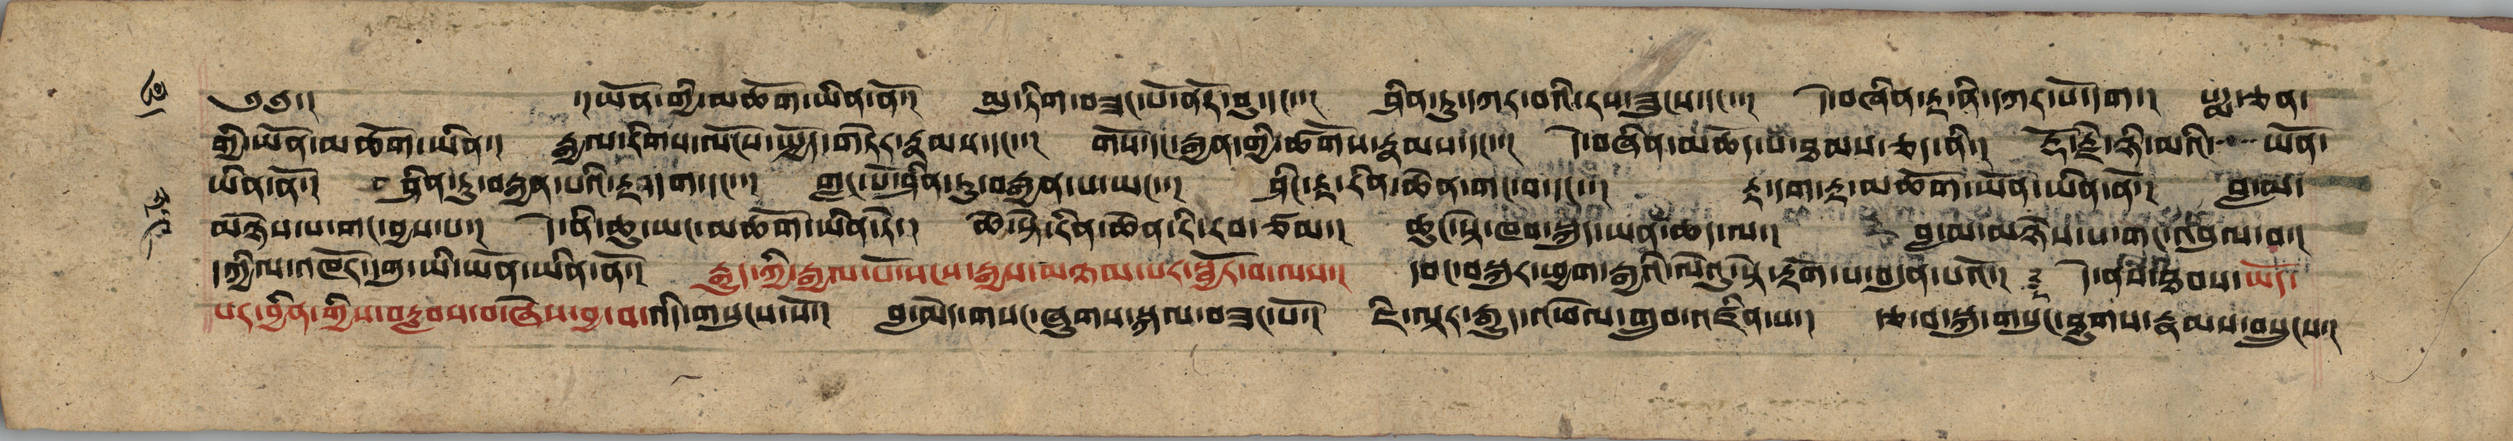༄༅་། ་།ཡོན་གྱི་མཆོག་ཡིན་ནོ་། མུ་ཏིག་བཟང་པོ་ནོར་བུ་དང་་། ཤིན་ཏུ་དཀར་བའི་རས་ཟུངས་དང་་། དེ་བཞིན་རྟ་ནི་དཀར་པོ་དག་། པདྨ་ཅན་
གྱི་ཡོན་མཆོག་ཡིན་། རྒྱལ་རིགས་ལོངས་སྤྱོད་གཏེར་རྣམས་དང་་། གསོ་དང་རྒྱན་གྱི་ཚོགས་རྣམས་དང་་། དེ་བཞིན་མཆོད་པ་ཐམས་ཅད་ནི་། རྡོ་རྗེ་ཉི་མའི་ ཡོན་
ཡིན་ནོ་། ཤིན་ཏུ་བརྒྱན་པའི་རྟ་དག་དང་་། གླང་པོ་ཤིན་ཏུ་བརྒྱན་པ་ཡང་་། ཤིང་རྟ་རིན་ཆེན་གང་བ་དང་་། རྟ་དག་རྟ་མཆོག་ཡོན་ཡིན་ནོ་། བླ་མ་
མཉེས་པ་གང་བྱས་པ་། དེ་ནི་ཆུ་ཡང་མཆོག་ཡིན་ཏེ་། ཆེ་སྟེ་རིན་ཆེན་རི་རབ་ཙམ་། ཆུང་སྟེ་ཁབ་སྐུད་ཡན་ཆད་ལ་། བླ་མ་མཉེས་པ་གང་འབུལ་བ་།
དཀྱིལ་འཁོར་དགུ་ཡི་ཡོན་ཡིན་ནོ་། རྒྱུད་ཀྱི་རྒྱལ་པོ་སངས་རྒྱས་མཉམ་པར་སྦྱོར་བ་ལས་། དབང་བསྐུར་ཕྱག་རྒྱའི་ལེའུ་སྟེ་རྟོག་པ་བདུན་པའོ་། ༈ དེ་ནས་ཐབས་ཡོད་
པར་བྱིན་གྱིས་བརླབས་བ་ཞེས་བྱ་བ་འདི་གསུངས་སོ་། བླ་མེད་གསང་ཞུགས་སྐལ་བཟང་པོ་། ཇི་ལྟར་རྒྱུད་འཕེལ་གྲུབ་འཛིན་པ་། རྩ་བ་སྐུ་གསུང་ཐུགས་རྣམས་བསྲུངས་།